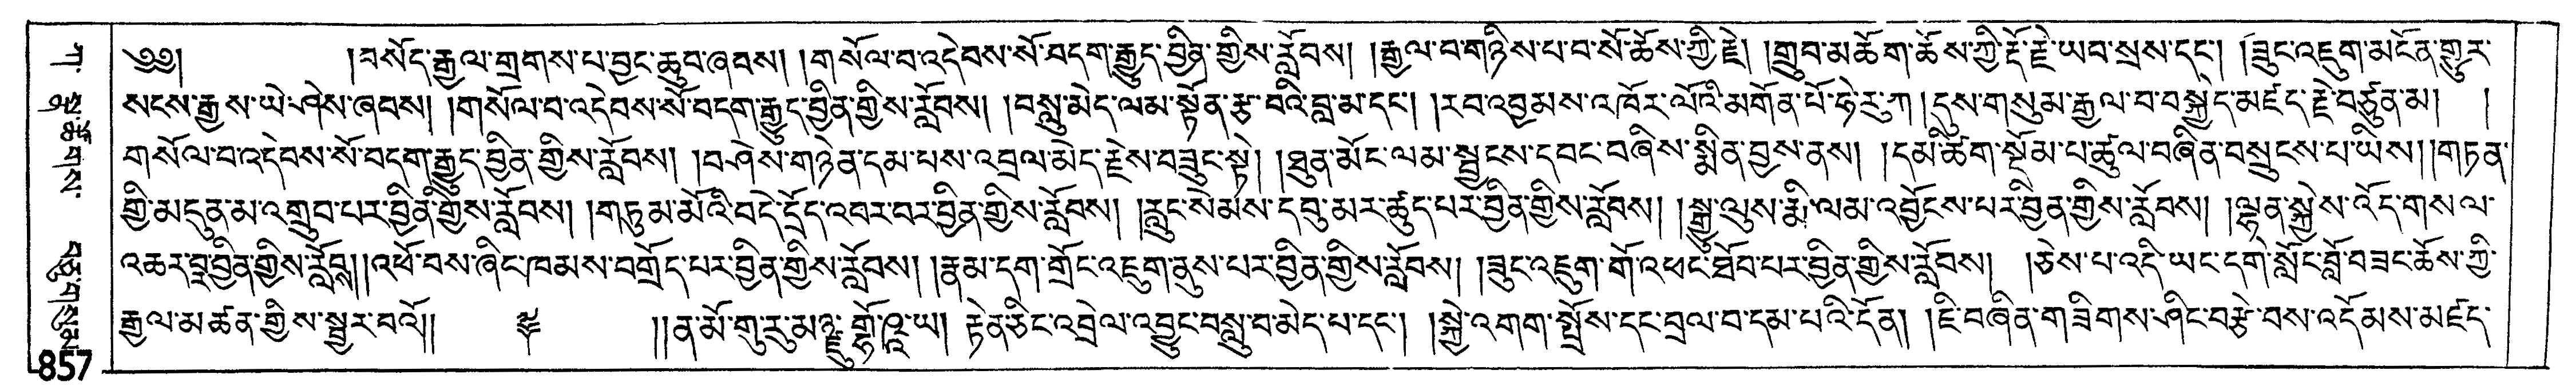༄༅། །བསོད་རྒྱལ་གྲགས་པ་བྱང་ཆུབ་ཞབས། །གསོལ་བ་འདེབས་སོ་བདག་རྒྱུད་བྱིན་གྱིས་རློབས། །རྒྱལ་བ་གཉིས་པ་བ་སོ་ཆོས་ཀྱི་རྗེ། །གྲུབ་མཆོག་ཆོས་ཀྱི་རྡོ་རྗེ་ཡབ་སྲས་དང་། །ཟུང་འཇུག་མངོན་གྱུར་
སངས་རྒྱས་ཡེ་ཤེས་ཞབས། །གསོལ་བ་འདེབས་སོ་བདག་རྒྱུད་བྱིན་གྱིས་རློབས། །བསླུ་མེད་ལམ་སྟོན་རྩ་བའི་བླ་མ་དང་། །རབ་འབྱམས་འཁོར་ལོའི་མགོན་པོ་ཧེ་རུ་ཀ། དུས་གསུམ་རྒྱལ་བ་བསྐྱེད་མཛད་རྗེ་བཙུན་མ། །
གསོལ་བ་འདེབས་སོ་བདག་རྒྱུད་བྱིན་གྱིས་རློབས། །བཤེས་གཉེན་དམ་པས་འབྲལ་མེད་རྗེས་བཟུང་སྟེ། །ཐུན་མོང་ལམ་སྦྱངས་དབང་བཞིས་སྨིན་བྱས་ནས། །དམ་ཚིག་སྡོམ་པ་ཚུལ་བཞིན་བསྲུངས་པ་ཡིས། །གཏན་
གྱི་མདུན་མ་འགྲུབ་པར་བྱིན་གྱིས་རློབས། །གཏུམ་མོའི་བདེ་དྲོད་འབར་བར་བྱིན་གྱིས་རློབས། །རླུང་སེམས་དབུ་མར་ཚུད་པར་བྱིན་གྱིས་རློབས། །སྒྱུ་ལུས་རྨི་ལམ་འབྱོངས་པར་བྱིན་གྱིས་རློབས། །ལྷན་སྐྱེས་འོད་གསལ་
འཆར་བར་བྱིན་གྱིས་རློབས། །འཕོ་བས་ཞིང་ཁམས་བགྲོད་པར་བྱིན་གྱིས་རློབས། །རྣམ་དག་གྲོང་འཇུག་ནུས་པར་བྱིན་གྱིས་རློབས། །ཟུང་འཇུག་གོ་འཕང་ཐོབ་པར་བྱིན་གྱིས་རློབས། །ཅེས་པ་འདི་ཡང་དགེ་སློང་བློ་བཟང་ཆོས་ཀྱི་
རྒྱལ་མཚན་གྱིས་སྦྱར་བའོ།། ༈ །།ན་མོ་གུ་རུ་མཉྫུ་གྷོ་ཥཱ་ཡ། རྟེན་ཅིང་འབྲེལ་འབྱུང་བསླུ་བ་མེད་པ་དང་། །སྐྱེ་འགག་སྤྲོས་དང་བྲལ་བ་དམ་པའི་དོན། །ཇི་བཞིན་གཟིགས་ཤིང་བརྩེ་བས་འདོམས་མཛད་